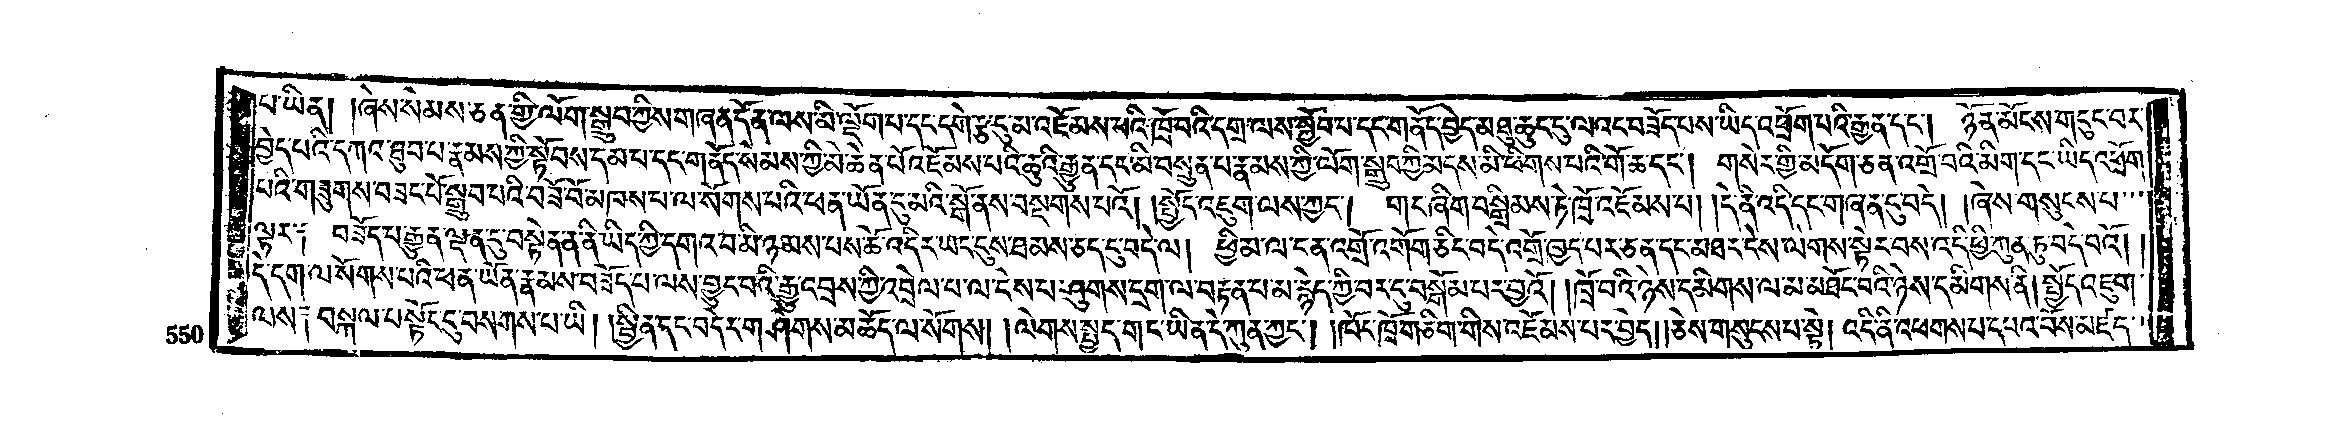པ་ཡིན། །ཞེས་སེམས་ཅན་གྱི་ལོག་སྒྲུབ་ཀྱིས་གཞན་དོན་ལས་མི་ལྡོག་པ་དང་དགེ་རྩ་དུ་མ་འཇོམས་པའི་ཁྲོ་བའི་དགྲ་ལས་སྐྱོབ་པ་དང་གནོད་བྱེད་མཐུ་ཆུང་ངུ་ལའང་བཟོད་པས་ཡིད་འཕྲོག་པའི་རྒྱན་དང་། ཉོན་མོངས་གདུང་བར་
བྱེད་པའི་དཀའ་ཐུབ་པ་རྣམས་ཀྱི་སྟོབས་དམ་པ་དང་གནོད་སེམས་ཀྱི་མེ་ཆེན་པོ་འཇོམས་པའི་ཆུའི་རྒྱུན་དང་མི་བསྲུན་པ་རྣམས་ཀྱི་ལོག་སྒྲུབ་ཀྱི་མདས་མི་ཕིགས་པའི་གོ་ཆ་དང་། གསེར་གྱི་མདོག་ཅན་འགྲོ་བའི་མིག་དང་ཡིད་འཕྲོག་
པའི་གཟུགས་བཟང་པོ་སྒྲུབ་པའི་བཟོ་བོ་མཁས་པ་ལ་སོགས་པའི་ཕན་ཡོན་དུ་མའི་སྒོ་ནས་བསྔགས་པའོ། །སྤྱོད་འཇུག་ལས་ཀྱང་། གང་ཞིག་བསྒྲིམས་ཏེ་ཁྲོ་འཇོམས་པ། །དེ་ནི་འདི་དང་གཞན་དུ་བདེ། །ཞེས་གསུངས་པ་
ལྟར༑ བཟོད་པ་རྒྱུན་ལྡན་དུ་བསྟེན་ན་ནི་ཡིད་ཀྱི་དགའ་བ་མི་ཉམས་པས་ཚེ་འདིར་ཡང་དུས་ཐམས་ཅད་དུ་བདེ་ལ། ཕྱི་མ་ལ་ངན་འགྲོ་འགོག་ཅིང་བདེ་འགྲོ་ཁྱད་པར་ཅན་དང་མཐར་ངེས་ལེགས་སྟེར་བས་འདི་ཕྱི་ཀུན་ཏུ་བདེ་བའོ། །
དེ་དག་ལ་སོགས་པའི་ཕན་ཡོན་རྣམས་བཟོད་པ་ལས་བྱུང་བའི་རྒྱུ་འབྲས་ཀྱི་འབྲེལ་པ་ལ་ངེས་པ་ཤུགས་དྲག་ལ་བརྟན་པ་མ་རྙེད་ཀྱི་བར་དུ་བསྒོམ་པར་བྱའོ། །ཁྲོ་བའི་ཉེས་དམིགས་ལམ་མཐོང་བའི་ཉེས་དམིགས་ནི། སྤྱོད་འཇུག་
ལས༑ བསྐལ་པ་སྟོང་དུ་བསགས་པ་ཡི། །སྦྱིན་དང་བདེར་གཤེགས་མཆོད་ལ་སོགས། །ལེགས་སྤྱད་གང་ཡིན་དེ་ཀུན་ཀྱང་། །ཁོང་ཁྲོ་གཅིག་གིས་འཇོམས་པར་བྱེད། །ཅེས་གསུངས་པ་སྟེ། འདི་ནི་འཕགས་པ་དཔའ་བོས་མཛད་